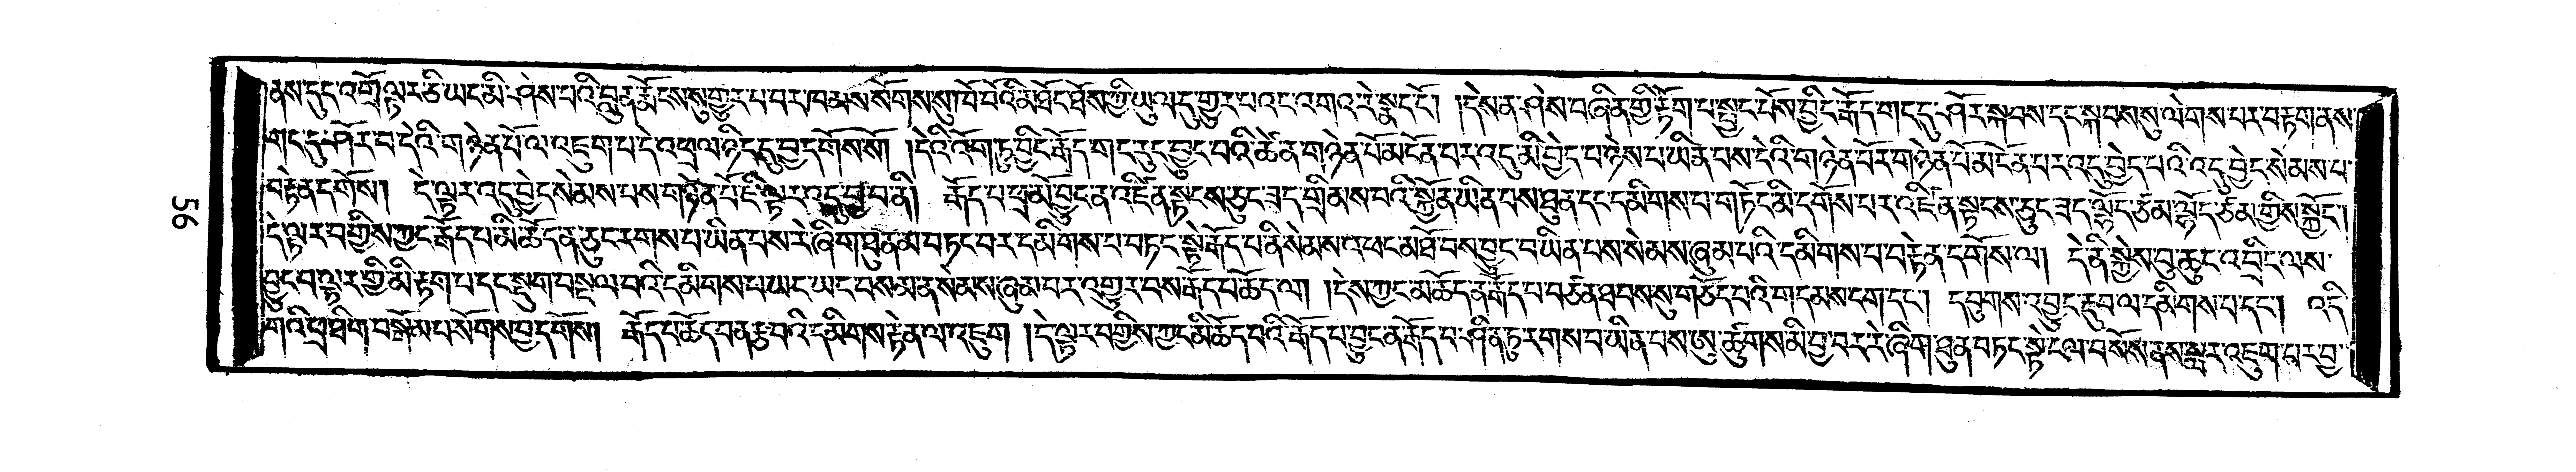ནས་དུད་འགྲོ་ལྟར་ཅི་ཡང་མི་ཤེས་པའི་གླུན་རྨོངས་སུ་གྱུར་པ་བར་ཁམས་སོགས་སུ་ཁོ་བོའི་མཐོང་ཐོས་ཀྱི་ཡུལ་དུ་གྱུར་པའང་འགའ་རེ་སྣང་ངོ། །དེས་ན་ཤེས་བཞིན་གྱི་རྟོག་པ་སྤྱང་པོས་བྱིང་རྒོད་གང་དུ་ཤོར་སྐབས་དང་སྐབས་སུ་ལེགས་པར་བརྟགས་ནས་
གང་དུ་ཤོར་བ་དེའི་གཉེན་པོ་ལ་འཇུག་པ་དེ་འཕྲལ་ཉིད་དུ་བྱ་དགོས་སོ། །དེའི་འོག་ཏུ་བྱིང་རྒོད་གང་རུང་བྱུང་བའི་ཚེ་ན་གཉེན་པོ་མངོན་པར་འདུ་མི་བྱེད་པ་ཉེས་པ་ཡིན་པས་དེའི་གཉེན་པོར་གཉེན་པོ་མངོན་པར་འདུ་བྱེད་པའི་འདུ་བྱེད་སེམས་པ་
བསྟེན་དགོས། དེ་ལྟར་འདུ་བྱེད་སེམས་པས་གཉེན་པོ་ཇི་ལྟར་འདུ་བྱ་བ་ནི། རྒོད་པ་ཕྲ་མོ་བྱུང་ན་འཛིན་སྟངས་ཅུང་ཟད་གྲིམས་པའི་སྐྱོན་ཡིན་པས་ཐུན་དང་དམིགས་པ་གཏོང་མི་དགོས་པར་འཛིན་སྟངས་ཅུང་ཟད་ལྷོད་ཙམ་ལྷོད་ཙམ་གྱིས་སྐྱོང་
དེ་ལྟར་བགྱིས་ཀྱང་རྒོད་པ་མི་ཆོད་ན་ཅུང་རགས་པ་ཡིན་པས་རེ་ཞིག་ཐུན་མ་བཏང་བར་དམིགས་པ་བཏང་སྟེ་རྒོད་པ་ནི་སེམས་འཕང་མཐོ་བས་བྱུང་བ་ཡིན་པས་སེམས་ཞུམ་པའི་དམིགས་པ་བསྟེན་དགོས་ལ། དེ་ནི་སྐྱེས་བུ་ཆུང་འབྲིང་ལས་
བྱུང་བ་ལྟར་གྱི་མི་རྟག་པ་དང་སྡུག་བསྔལ་བའི་དམིགས་པ་ཡང་ཡང་བསམ་ན་སེམས་ཞུམ་པར་འགྱུར་བས་རྒོད་པ་ཆོད་ལ། དེས་ཀྱང་མཆོད་ན་རྒོད་པ་བཙན་ཐབས་སུ་གཅོད་པའི་གདམས་ངག་དང་། དབུགས་འབྱུང་རྡུབ་ལ་དམིགས་པ་དང་། འདི་
གའི་ཕྲ་ཐིག་བསྒོམ་པ་སོགས་བྱ་དགོས། རྒོད་པ་ཆོད་པ་ན་རྩ་བའི་དམིགས་རྟེན་ལ་འཇུག །དེ་ལྟར་བགྱིས་ཀྱང་མི་ཆོད་པའི་རྒོད་པ་བྱུང་ན་རྒོད་པ་ཤིན་ཏུ་རགས་པ་ཡིན་པས་ཨུ་ཚུགས་མི་བྱ་བར་རེ་ཞིག་ཐུན་བཏང་སྟེང་ལ་བསོས་ནས་སླར་འཇུག་པར་བྱ་